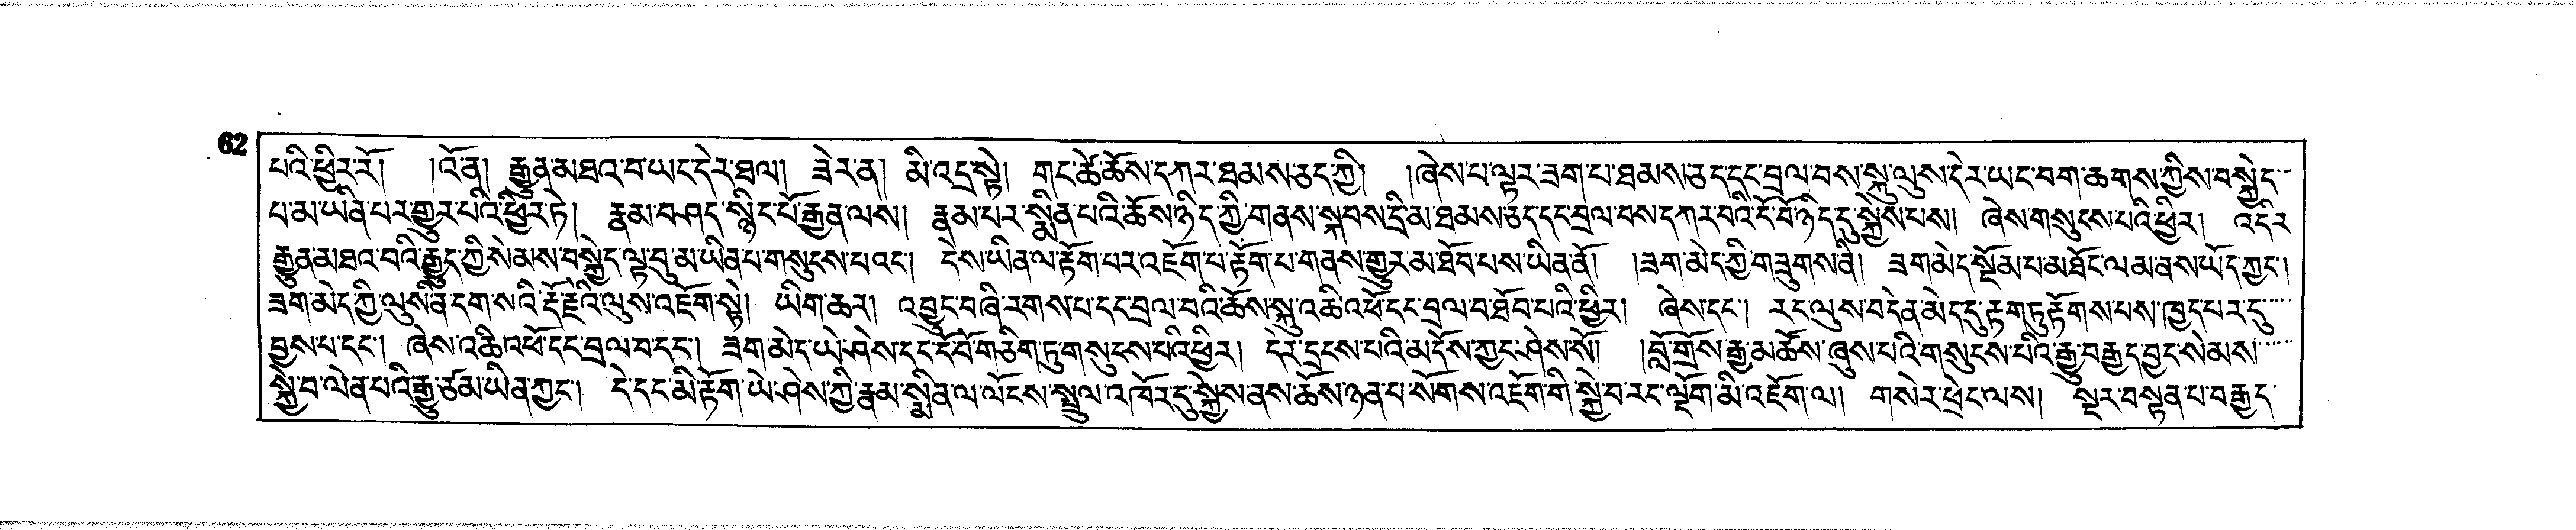པའི་ཕྱིར་རོ། །འོ་ན། རྒྱུན་མཐའ་བ་ཡང་དེར་ཐལ། ཟེར་ན། མི་འདྲ་སྟེ། གང་ཚེ་ཆོས་དཀར་ཐམས་ཅད་ཀྱི། །ཞེས་པ་ལྟར་ཟག་པ་ཐམས་ཅད་དང་བྲལ་བས་སྐུ་ལུས་དེར་ཡང་བག་ཆགས་ཀྱིས་བསྐྱེད་
པ་མ་ཡིན་པར་གྱུར་པའི་ཕྱིར་ཏེ། རྣམ་བཤད་སྙིང་པོ་རྒྱན་ལས། རྣམ་པར་སྨིན་པའི་ཆོས་ཉིད་ཀྱི་གནས་སྐབས་དྲི་མ་ཐམས་ཅད་དང་བྲལ་བས་དཀར་བའི་ངོ་བོ་ཉིད་དུ་སྐྱེས་པས། ཞེས་གསུངས་པའི་ཕྱིར། འདིར་
རྒྱུན་མཐའ་བའི་རྒྱུད་ཀྱི་སེམས་བསྐྱེད་ལྟ་བུ་མ་ཡིན་པ་གསུངས་པའང་། དེས་ཡིན་ལ་རྟོག་པར་འཇོག་པ་རྟོག་པ་གནས་གྱུར་མ་ཐོབ་པས་ཡིན་ནོ། །ཟག་མེད་ཀྱི་གཟུགས་ནི། ཟག་མེད་སྡོམ་པ་མཐོང་ལམ་ནས་ཡོད་ཀྱང་།
ཟག་མེད་ཀྱི་ལུས་ནི་དག་སའི་རྡོ་རྗེའི་ལུས་འཇོག་སྟེ། ཡིག་ཆར། འབྱུང་བཞི་རགས་པ་དང་བྲལ་བའི་ཆོས་སྐུ་འཆི་འཕོ་དང་བྲལ་བ་ཐོབ་པའི་ཕྱིར། ཞེས་དང་། རང་ལུས་བདེན་མེད་དུ་རྟག་ཏུ་རྟོགས་པས་ཁྱད་པར་དུ་
བྱས་པ་དང་། ཞེས་འཆི་འཕོ་དང་བྲལ་བ་དང་། ཟག་མེད་ཡེ་ཤེས་དང་ངོ་བོ་གཅིག་ཏུ་གསུངས་པའི་ཕྱིར། དེར་དྲངས་པའི་མདོས་ཀྱང་ཤེས་སོ། །བློ་གྲོས་རྒྱ་མཚོས་ཞུས་པའི་གསུངས་པའི་རྒྱུ་བརྒྱད་བྱང་སེམས་
སྐྱེ་བ་ལེན་པའི་རྒྱུ་ཙམ་ཡིན་ཀྱང་། དེ་དང་མི་རྟོག་ཡེ་ཤེས་ཀྱི་རྣམ་སྨིན་ལ་ལོངས་སྤྲུལ་འཁོར་དུ་སྐྱེས་ནས་ཆོས་ཉན་པ་སོགས་འཇོག་གི་སྐྱེ་བ་རང་ལྡོག་མི་འཇོག་ལ། གསེར་ཕྲེང་ལས། སྔར་བསྟན་པ་བརྒྱད་